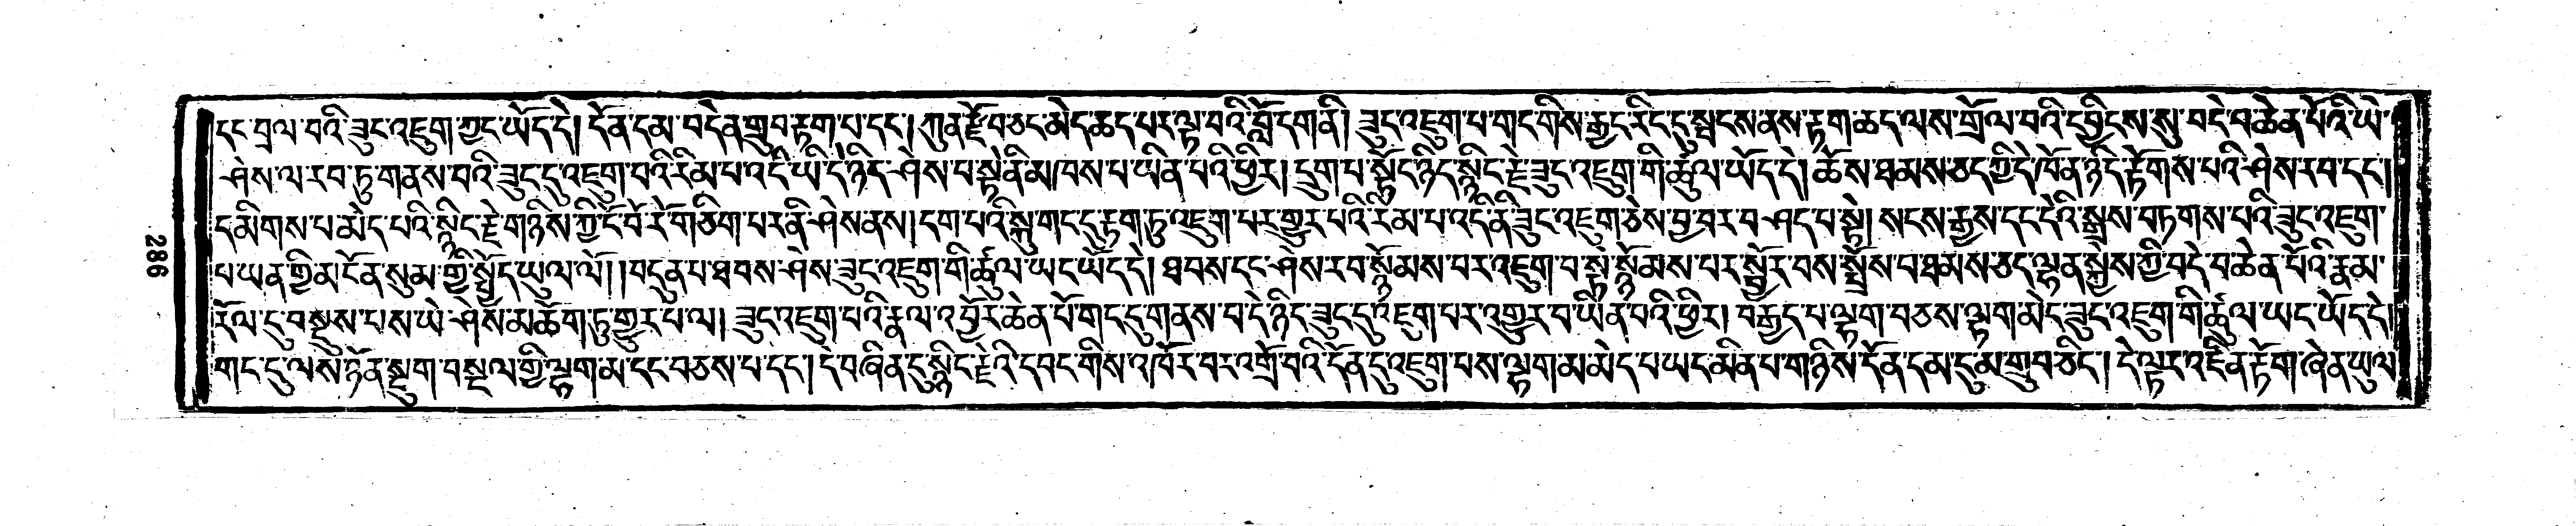དང་བྲལ་བའི་ཟུང་འཇུག་ཀྱང་ཡོད་དེ། དོན་དམ་བདེན་གྲུབ་རྟག་པ་དང་། ཀུན་རྫོབ་ཅད་མེད་ཆད་པར་ལྟ་བའི་བློ་དག་ནི། ཟུང་འཇུག་པ་གང་གིས་རྒྱང་རིང་དུ་སྤངས་ནས་རྟག་ཆད་ལས་གྲོལ་བའི་དབྱིངས་སུ་བདེ་བ་ཆེན་པོའི་ཡེ་
ཤེས་ལ་རབ་ཏུ་གནས་པའི་ཟུང་དུ་འཇུག་པའི་རིམ་པ་འདི་ཡི་དེ་ཉིད་ཤེས་པ་སྟེ་ནི་མཁས་པ་ཡིན་པའི་ཕྱིར། དྲུག་པ་སྟོང་ཉིད་སྙིང་རྗེ་ཟུང་འཇུག་གི་ཚུལ་ཡོད་དེ། ཆོས་ཐམས་ཅད་ཀྱི་དེ་ཁོ་ན་ཉིད་རྟོགས་པའི་ཤེས་རབ་དང་།
དམིགས་པ་མེད་པའི་སྙིང་རྗེ་གཉིས་ཀྱི་ངོ་བོ་རེག་ཅིག་པར་ནི་ཤེས་ནས། དག་པའི་སྐུ་གང་དུ་རྟག་ཏུ་འཇུག་པར་གྱུར་པའི་རིམ་པ་འདི་ནི་ཟུང་འཇུག་ཅེས་བྱ་བར་བཤད་པ་སྟེ། སངས་རྒྱས་དང་དེའི་སྒྲས་བཏགས་པའི་ཟུང་འཇུག་
པ་ཡིན་གྱི་མངོན་སུམ་གྱི་སྤྱོད་ཡུལ་ལོ། །བདུན་པ་ཐབས་ཤེས་ཟུང་འཇུག་གི་ཚུལ་ཡང་ཡོད་དེ། ཐབས་དང་ཤེས་རབ་སྙོམས་པར་འཇུག་པ་སྟེ་སྙོམས་པར་སྦྱོར་བས་སྤྲོས་པ་ཐམས་ཅད་ལྷན་སྐྱེས་ཀྱི་བདེ་བ་ཆེན་པོའི་རྣམ་
རོལ་དུ་བསྡུས་པས་ཡེ་ཤེས་མཆོག་ཏུ་གྱུར་པ་ལ། ཟུང་འཇུག་པའི་རྣལ་འབྱོར་ཆེན་པོ་གང་དུ་གནས་པ་དེ་ཉིད་ཟུང་དུ་འཇུག་པར་འགྱུར་བ་ཡིན་པའི་ཕྱིར། བརྒྱད་པ་ལྷག་བཅས་ལྷག་མེད་ཟུང་འཇུག་གི་ཚུལ་ཡང་ཡོད་དེ་
གང་དུ་ལས་ཉོན་སྡུག་བསྔལ་གྱི་ལྷག་མ་དང་བཅས་པ་དང་། དེ་བཞིན་དུ་སྙིང་རྗེའི་དབང་གིས་འཁོར་བར་འགྲོ་བའི་དོན་དུ་འཇུག་པས་ལྷག་མ་མེད་པ་ཡང་མིན་པ་གཉིས་དོན་དམ་དུ་མ་གྲུབ་ཅིང་། དེ་ལྟར་འཛིན་རྟོག་ཞེན་ཡུལ་